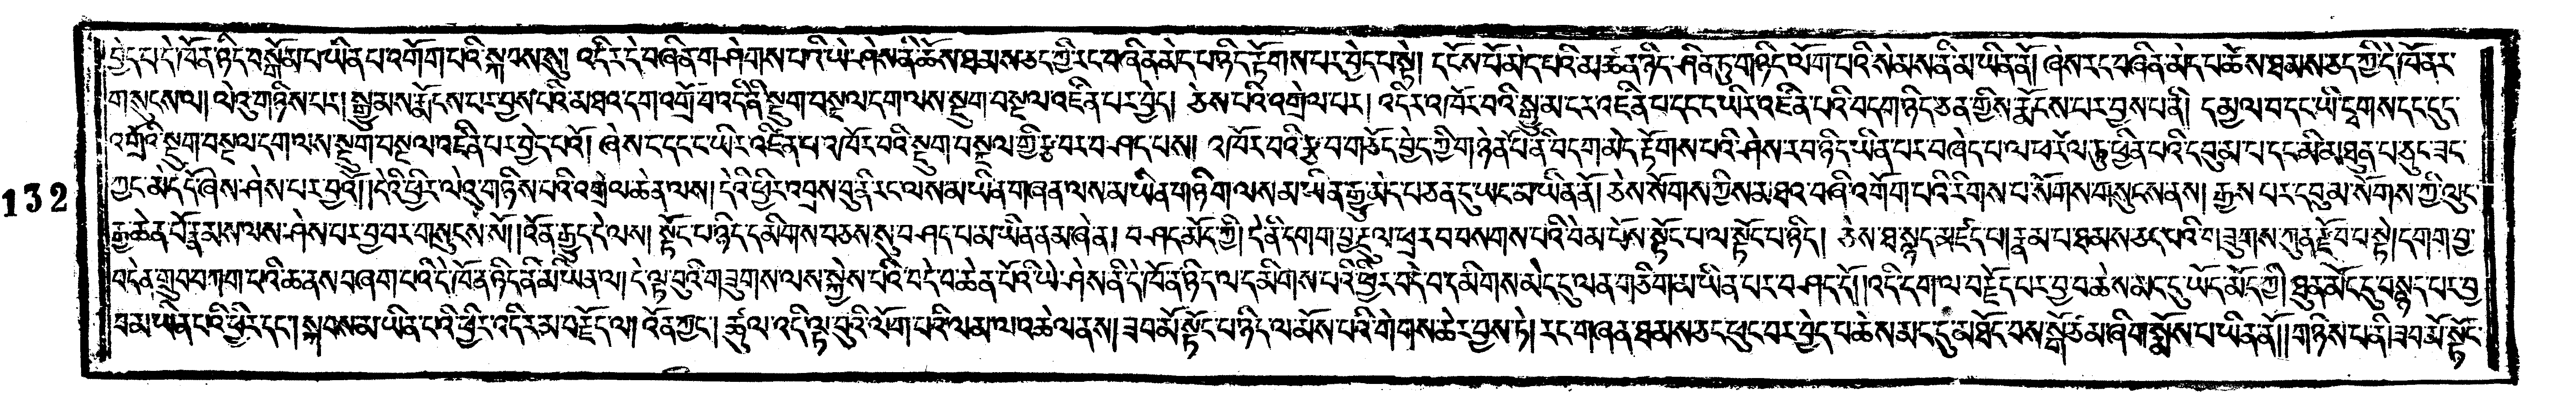བྱེད་པ་དེ་ཁོ་ན་ཉིད་བསྒོམ་པ་ཡིན་པ་འགོག་པའི་སྐབས་སུ། འདིར་དེ་བཞིན་གཤེགས་པའི་ཡེ་ཤེས་ནི་ཆོས་ཐམས་ཅད་ཀྱི་རང་བཞིན་མེད་པ་ཉིད་རྟོགས་པར་བྱེད་པ་སྟེ། དངོས་པོ་མེད་པའི་མཚན་ཉིད་ཤིན་ཏུ་གཉིད་ལོག་པའི་སེམས་ནི་མ་ཡིན་ནོ། ཞེས་རང་བཞིན་མེད་པ་ཆོས་ཐམས་ཅད་ཀྱི་དེ་ཁོ་ནར་
གསུངས་ལ། ལེའུ་གཉིས་པར། སྒྱུ་མས་རྨོངས་པར་བྱས་པའི་མཐའ་དག་འགྲོ་བ་འདི་ནི་སྡུག་བསྔལ་དག་ལས་སྡུག་བསྔལ་འཛིན་པར་བྱེད། ཅེས་པའི་འགྲེལ་པར། འདིར་འཁོར་བའི་སྒྱུ་མ་ངར་འཛིན་པ་དང་ང་ཡིར་འཛིན་པའི་བདག་ཉིད་ཅན་གྱིས་རྨོངས་པར་བྱས་པ་ནི། དམྱལ་བ་དང་ཡི་དྭགས་དང་དུད་
འགྲོའོ་སྡུག་བསྔལ་དག་ལས་སྡུག་བསྔལ་འཛིན་པར་བྱེད་པའོ། ཞེས་ང་དང་ང་ཡིར་འཛིན་པ་འཁོར་བའི་སྡུག་བསྔལ་གྱི་རྩ་བར་བཤད་པས། འཁོར་བའི་རྩ་བ་གཅོད་བྱེད་ཀྱི་གཉེན་པོ་ནི་བདག་མེད་རྟོགས་པའི་ཤེས་རབ་ཉིད་ཡིན་པར་བཞེད་པ་ལ་ཕ་རོལ་ཏུ་ཕྱིན་པའི་དབུ་མ་པ་དང་མི་མཐུན་པ་ཅུང་ཟད་
ཀྱང་མེད་དོ་ཞེས་ཤེས་པར་བྱའོ། །དེའི་ཕྱིར་ལེའུ་གཉིས་པའི་འགྲལ་ཆེན་ལས། དེའི་ཕྱིར་འབྲས་བུ་ནི་རང་ལས་མ་ཡིན་གཞན་ལས་མ་ཡིན་གཉི་ག་ལས་མ་ཡིན་རྒྱུ་མེད་པ་ཅན་དུ་ཡང་མ་ཡིན་ནོ། ཅེས་སོགས་ཀྱིས་མཐའ་བཞི་འགོག་པའི་རིགས་པ་སོགས་གསུངས་ནས། རྒྱས་པར་དབུ་མ་སོགས་ཀྱི་ལུང་
རྒྱ་ཆེན་པོ་རྣམས་ལས་ཤེས་པར་བྱ་བར་གསུངས་སོ། །འོན་རྒྱུད་དེ་ལས། སྟོང་པ་ཉིད་དམིགས་བཅས་སུ་བཤད་པ་མ་ཡིན་ནམ་ཞེ་ན། བཤད་མོད་ཀྱི། དེ་ནི་དགག་བྱ་རྡུལ་ཕྲ་རབ་བསགས་པའི་བེམ་པོས་སྟོང་པ་ལ་སྟོང་པ་ཉིད། ཅེས་ཐ་སྙད་མཛད་པ། རྣམ་པ་ཐམས་ཅད་པའི་གཟུགས་ཀུན་རྫོབ་པ་སྟེ། དགག་བྱ་
བདེན་གྲུབ་བཀག་པའི་ཆ་ནས་བཞག་པའི་དེ་ཁོ་ན་ཉིད་ནི་མ་ཡིན་ལ། དེ་ལྟ་བུའི་གཟུགས་ལས་སྐྱེས་པའི་བདེ་བ་ཆེན་པོའི་ཡེ་ཤེས་ནི་དེ་ཁོ་ན་ཉིད་ལ་དམིགས་པའི་ཕྱིར་བདེ་བ་དམིགས་མེད་དུ་ལན་གཅིག་མ་ཡིན་པར་བཤད་དོ། །འདི་དག་ལ་བརྗོད་པར་བྱ་བ་ཆེས་མང་དུ་ཡོད་མོད་ཀྱི། ཐུན་མོང་དུ་བསྙད་པར་བྱ་
བམ་ཡིན་པའི་ཕྱིར་དང་། སྐབས་མ་ཡིན་པའི་ཕྱིར་འདིར་མ་བརྗོད་ལ། འོན་ཀྱང་། ཚུལ་འདི་ལྟ་བུའི་ལོག་པའི་ལམ་ལ་འཚལ་ནས། ཟབ་མོ་སྟོང་པ་ཉིད་ལ་མོས་པའི་གེགས་ཆེར་བྱས་ཏེ། རང་གཞན་ཐམས་ཅད་ཕུང་བར་བྱེད་པ་ཆེས་མང་དུ་མཐོང་བས་སྒོ་ཙམ་ཞིག་སྨོས་པ་ཡིན་ནོ། །གཉིས་པ་ནི། ཟབ་མོ་སྟོང་